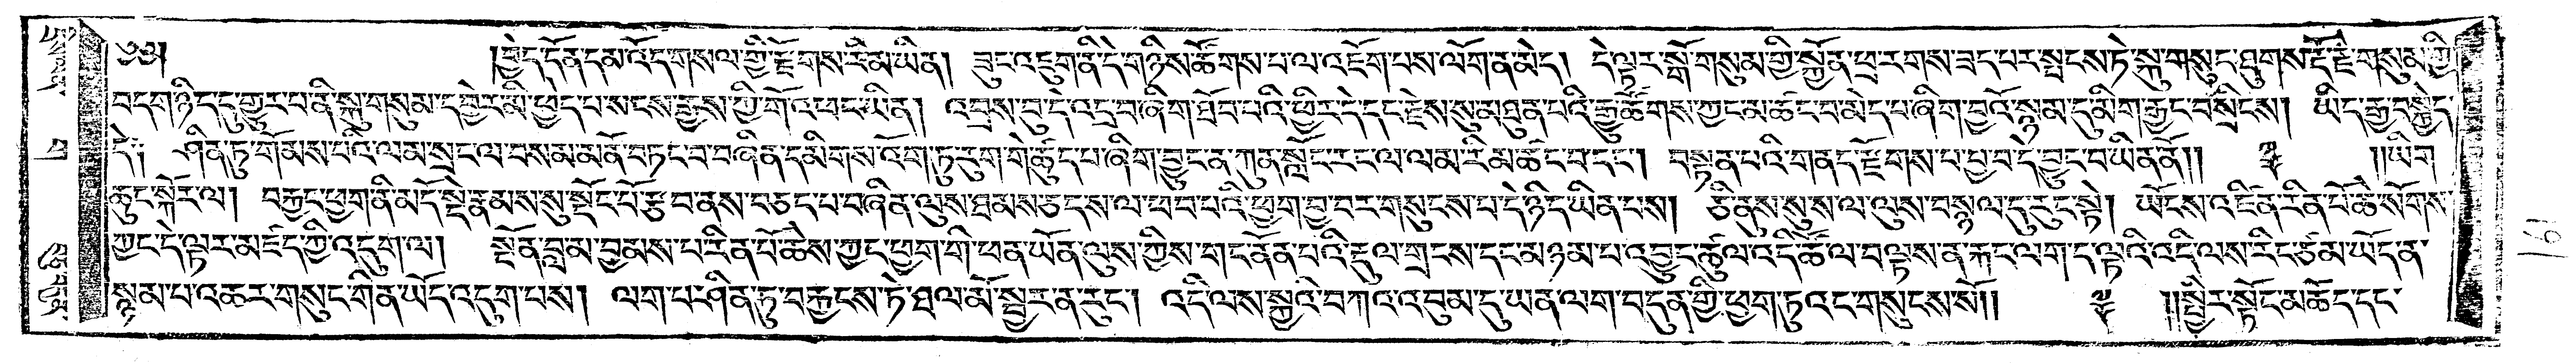༄༅། །བྱེད་དོན་དམ་འོད་གསལ་གྱི་རྫོགས་རིམ་ཡིན། ཟུང་འཇུག་ནི་དེ་གཉིས་ཚོགས་པ་ལ་འཇོག་པས་ལོག་ན་མེད། དེ་ལྟར་སྒོ་གསུམ་གྱི་སྐྱོན་ཕྲ་རགས་ཟད་པར་སྤངས་ཏེ་སྐུ་གསུང་ཐུགས་རྡོ་རྗེ་གསུམ་གྱི་
བདག་ཉིད་དུ་གྱུར་པ་ནི་སྐུ་གསུམ་དབྱེར་མི་ཕྱེད་པ་སངས་རྒྱས་ཀྱི་གོ་འཕང་ཡིན། འབྲས་བུ་དེ་འདྲ་བ་ཞིག་ཐོབ་པའི་ཕྱིར་དེ་དང་རྗེས་སུ་མཐུན་པའི་རྒྱུ་ཚོགས་ཀྱང་མ་ཚང་བ་མེད་པ་ཞིག་བྱའོ་སྙམ་དུ་མིག་རྒྱང་བསྲིངས། ཡིད་རྒྱ་བསྐྱེད་
དེ༑ ཤིན་ཏུ་གོམས་བའི་ལམ་སྲང་ལ་བསམ་མནོ་བཏང་བ་བཞིན་དམིགས་འོག་ཏུ་རུག་གེ་ཚུད་པ་ཞིག་བྱུང་ན་ཀུན་སློང་རང་ལ་ལམ་རིམ་ཚང་བ་དང་། བསྟན་པའི་གནད་རྫོགས་པ་བྱ་བ་དེ་བྱུང་བ་ཡིན་ནོ།། ༈ །།ཡིག་
ཆུང་སྐོར་ལ། བརྐྱང་ཕྱག་ནི་མདོ་སྡེ་རྣམས་སུ་སྡོང་པོ་རྩབ་ནས་བཅད་པ་བཞིན་ལུས་ཐམས་ཅད་ས་ལ་ཕབ་པའི་ཕྱག་བྱ་བར་གསུངས་པ་དེ་ཉིད་ཡིན་པས། ཅི་ནུས་སུས་ལ་ལུས་བསྙལ་དུ་རུང་སྟེ། ཡོངས་འཛིན་རིན་པོ་ཆེ་སོགས་
ཀྱང་དེ་ལྟར་མཛད་ཀྱི་འདུག་ལ། སྔོན་བླ་མ་བྱམས་པ་རིན་པོ་ཆེས་ཀྱང་ཕྱག་གི་ཕན་ཡོན་ལུས་ཀྱིས་གང་ནོན་པའི་རྡུལ་གྲངས་དང་མཉམ་པ་འབྱུང་ཚུལ་འདི་ཚོལ་བལྟས་ན་རྐང་ལག་ད་ལྟའི་འདི་ལས་རིང་ཙམ་ཡོད་ན་
སྙམ་པ་འཆར་གསུང་གི་ན་ཡོད་འདུག་པས། ལག་པ་ཤིན་ཏུ་བརྐྱངས་ཏེ་ཐལ་མོ་སྦྱར་ན་རུང་། འདི་ལས་སྐྱའི་བཀའ་འབུམ་དུ་ཡན་ལག་བདུན་གྱི་ཕྱག་ཏུའང་གསུངས་སོ།། ༈ །།སྤྱིར་སྟོང་མཆོད་དང་